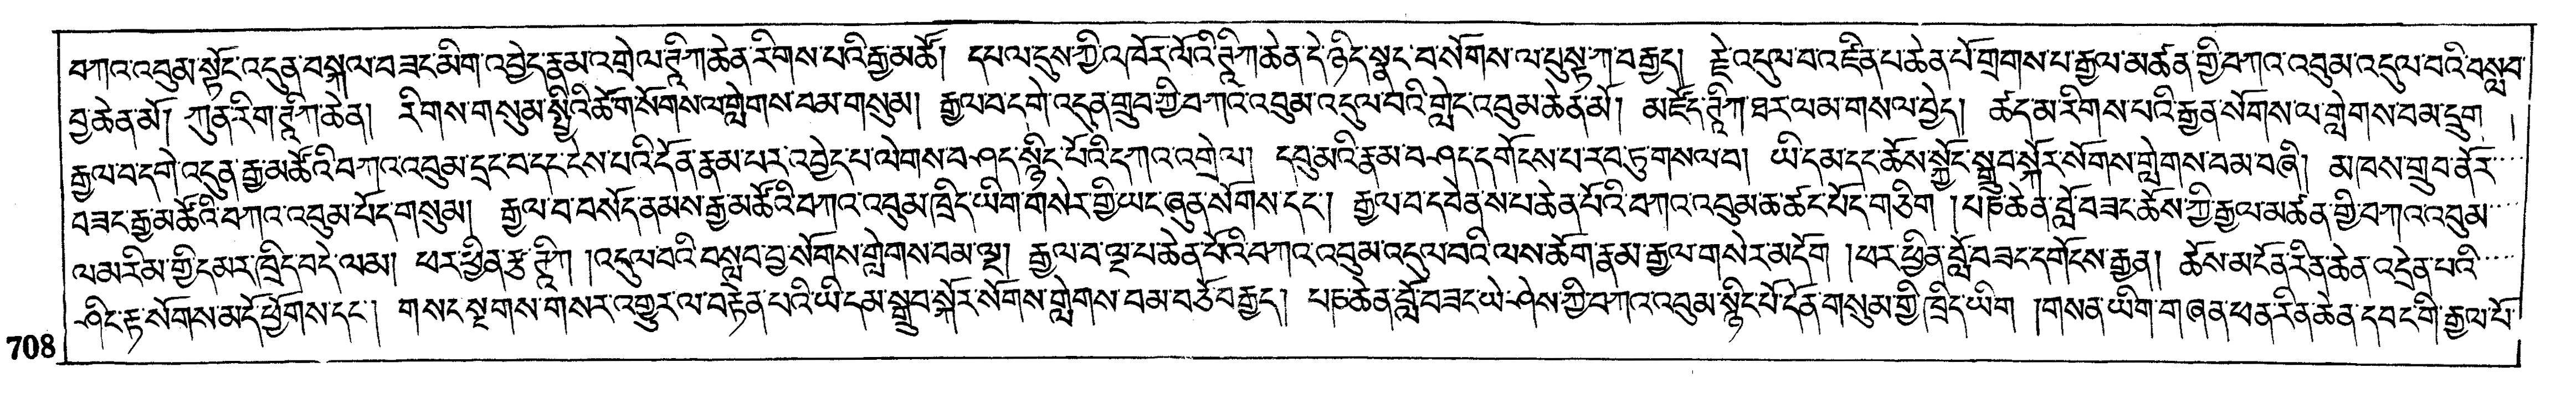བཀའ་འབུམ་སྟོང་འདུན་བསྐལ་བཟང་མིག་འབྱེད་རྣམ་འགྲེལ་ཊཱིཀ་ཆེན་རིགས་པའི་རྒྱ་མཚོ། དཔལ་དུས་ཀྱི་འཁོར་ལོའི་ཊཱིཀ་ཆེན་དེ་ཉིད་སྣང་བ་སོགས་ལ་པུསྟ་ཀ་བརྒྱད། རྗེ་འདུལ་བ་འཛིན་པ་ཆེན་པོ་གྲགས་པ་རྒྱལ་མཚན་གྱི་བཀའ་འབུམ་འདུལ་བའི་བསླབ་
བྱ་ཆེན་མོ། ཀུན་རིག་ཊཱིཀ་ཆེན། རིགས་གསུམ་སྤྱིའི་ཆོ་ག་སོགས་ལ་གླེགས་བམ་གསུམ། རྒྱལ་བ་དགེ་འདུན་གྲུབ་ཀྱི་བཀའ་འབུམ་འདུལ་བའི་གླེང་འབུམ་ཆེན་མོ། མཛོད་ཊཱིཀ་ཐར་ལམ་གསལ་བྱེད། ཚད་མ་རིགས་པའི་རྒྱན་སོགས་ལ་གླེགས་བམ་དྲུག།
རྒྱལ་བ་དགེ་འདུན་རྒྱ་མཚོའི་བཀའ་འབུམ་དྲང་བ་དང་ངེས་བའི་དོན་རྣམ་པར་འབྱེད་པ་ལེགས་བཤད་སྙིང་པོའི་དཀའ་འབྲེལ། དབུ་མའི་རྣམ་བཤད་དགོངས་པ་རབ་ཏུ་གསལ་བ། ཡི་དམ་དང་ཆོས་སྐྱོང་སྒྲུབ་སྐོར་སོགས་གླེགས་བམ་བཞི། མཁས་གྲུབ་ནོར་
བཟང་རྒྱ་མཚོའི་བཀའ་འབུམ་བོད་གསུམ། རྒྱལ་བ་བསོད་ནམས་རྒྱ་མཚོའི་བཀའ་འབུམ་ཁྲིད་ཡིག་གསེར་གྱི་ཡང་ཞུན་སོགས་དང་། རྒྱལ་བ་དབེན་པ་ཆེན་པོའི་བཀའ་འབུམ་ཆ་ཚང་པོད་གཅིག །པཎ་ཆེན་བློ་བཟང་ཆོས་ཀྱི་རྒྱལ་མཚན་གྱི་བཀའ་འབུམ་
ལམ་རིམ་གྱི་དམར་ཁྲིད་བདེ་ལམ། ཕར་ཕྱིན་རྩ་ཊཱིཀ །འདུལ་བའི་བསླབ་བྱ་སོགས་གླེགས་བམ་ལྔ། རྒྱལ་བ་ལྔ་པ་ཆེན་པོའི་བཀའ་འབུམ་འདུལ་བའི་ལས་ཆོག་རྣམ་རྒྱལ་གསེར་མདོག །ཕར་ཕྱིན་བློ་བཟང་དགོངས་རྒྱན། ཆོས་མངོན་རིན་ཆེན་འདྲེན་པའི་
ཤིང་རྟ་སོགས་མདོ་ཕྱོགས་དང་། གསང་སྔགས་གསར་འགྱུར་ལ་བརྟེན་པའི་ཡི་དམ་སྒྲུབ་སྐོར་སོགས་གླེགས་བམ་བཅོ་བརྒྱད། པཎ་ཆེན་བློ་བཟང་ཡེ་ཤེས་ཀྱི་བཀའ་འབུམ་སྙིང་པོ་དོན་གསུམ་གྱི་ཁྲིད་ཡིག །གསན་ཡིག་གཞན་ཕན་རིན་ཆེན་དབང་གི་རྒྱལ་པོ་